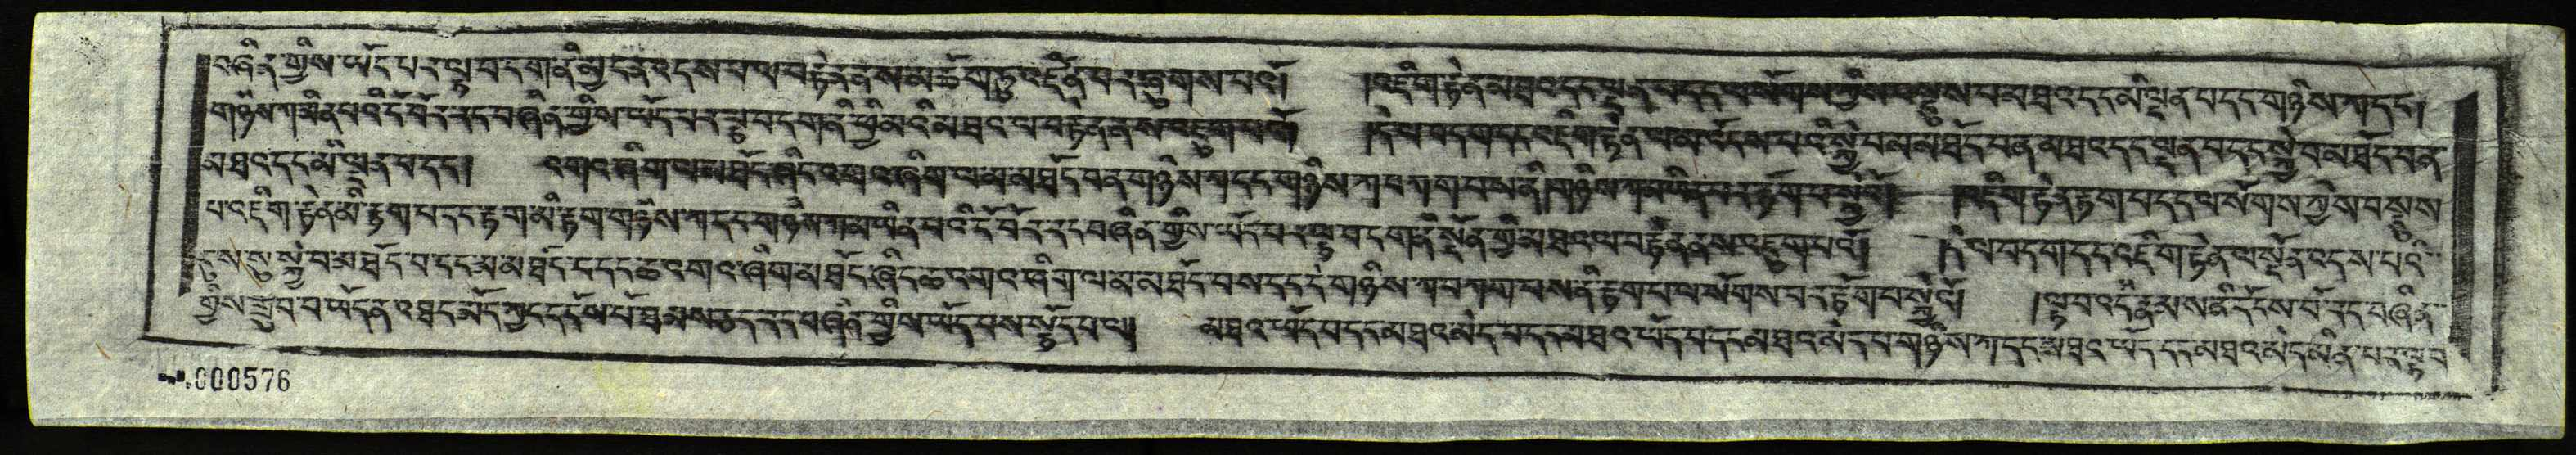བཞིན་གྱིས་ཡོད་པར་ལྟ་བ་དག་ནི་མྱ་ངན་འདས་པ་ལ་བརྟེན་ནས་མཆོག་ཏུ་འཛིན་པར་ཞུགས་པའོ། །འཇིག་རྟེན་མཐའ་དང་ལྡན་པ་དང་ལ་སོགས་ཀྱིས་བསྡུས་པ་མཐའ་དང་མི་ལྡན་པ་དང་གཉིས་ཀ་དང་།
གཉིས་ཀ་མིན་པའི་ངོ་བོར་རང་བཞིན་གྱིས་ཡོད་པར་ལྟ་བ་དག་ནི་ཕྱི་མའི་མཐའ་ལ་བརྟེན་ནས་འཇུག་པའོ། །དེ་ལ་བདག་དང་འཇིག་རྟེན་ལ་མ་འོངས་པའི་སྐྱེ་བ་མ་མཐོང་བ་ན་མཐའ་དང་ལྡན་པ་དང་སྐྱེ་བ་མཐོང་བ་ན་
མཐའ་དང་མི་ལྡན་པ་དང་། འགའ་ཞིག་ལ་མཐོང་ཞིང་འགའ་ཞིག་ལ་མ་མཐོང་བ་ན་གཉིས་ཀ་དང་གཉིས་ཀ་བཀག་པས་ནི། གཉིས་ཀ་མ་ཡིན་པར་རྟོག་པ་སྐྱེའོ། །འཇིག་རྟེན་རྟག་པ་དང་ལ་སོགས་ཀྱིས་བསྡུས་
པ་འཇིག་རྟེན་མི་རྟག་པ་དང་རྟག་མི་རྟག་གཉིས་ཀ་དང་གཉིས་ཀ་མ་ཡིན་པའི་ངོ་བོར་རང་བཞིན་གྱིས་ཡོད་པར་ལྟ་བ་དག་ནི་སྔོན་གྱི་མཐའ་ལ་བརྟེན་ནས་འཇུག་པའོ། །དེ་ལ་བདག་དང་འཇིག་རྟེན་ལ་སྔོན་འདས་པའི་
དུས་སུ་སྐྱེ་བ་མཐོང་བ་དང་མ་མཐོང་བ་དང་ཆ་འགའ་ཞིག་མཐོང་ཞིང་ཆ་འགའ་ཞིག་ལ་མ་མཐོང་པས་དང་དེ་གཉིས་ཀ་བཀག་པས་ནི་རྟག་པ་ལ་སོགས་པར་རྟོག་པ་སྐྱེའོ། །ལྟ་བ་འདི་རྣམས་ནི་དངོས་པོ་རང་བཞིན་
གྱིས་གྲུབ་པ་ཡོད་ན་འཐད་མོད་ཀྱང་དངོས་པོ་ཐམས་ཅད་རང་བཞིན་གྱིས་ཡོད་པས་སྟོང་པ་ལ། མཐའ་ཡོད་པ་དང་མཐའ་མེད་པ་དང་མཐའ་ཡོད་པ་དང་མཐའ་མེད་པ་གཉིས་ཀ་དང་མཐའ་ཡོད་དང་མཐའ་མེད་མིན་པར་ལྟ་བ་